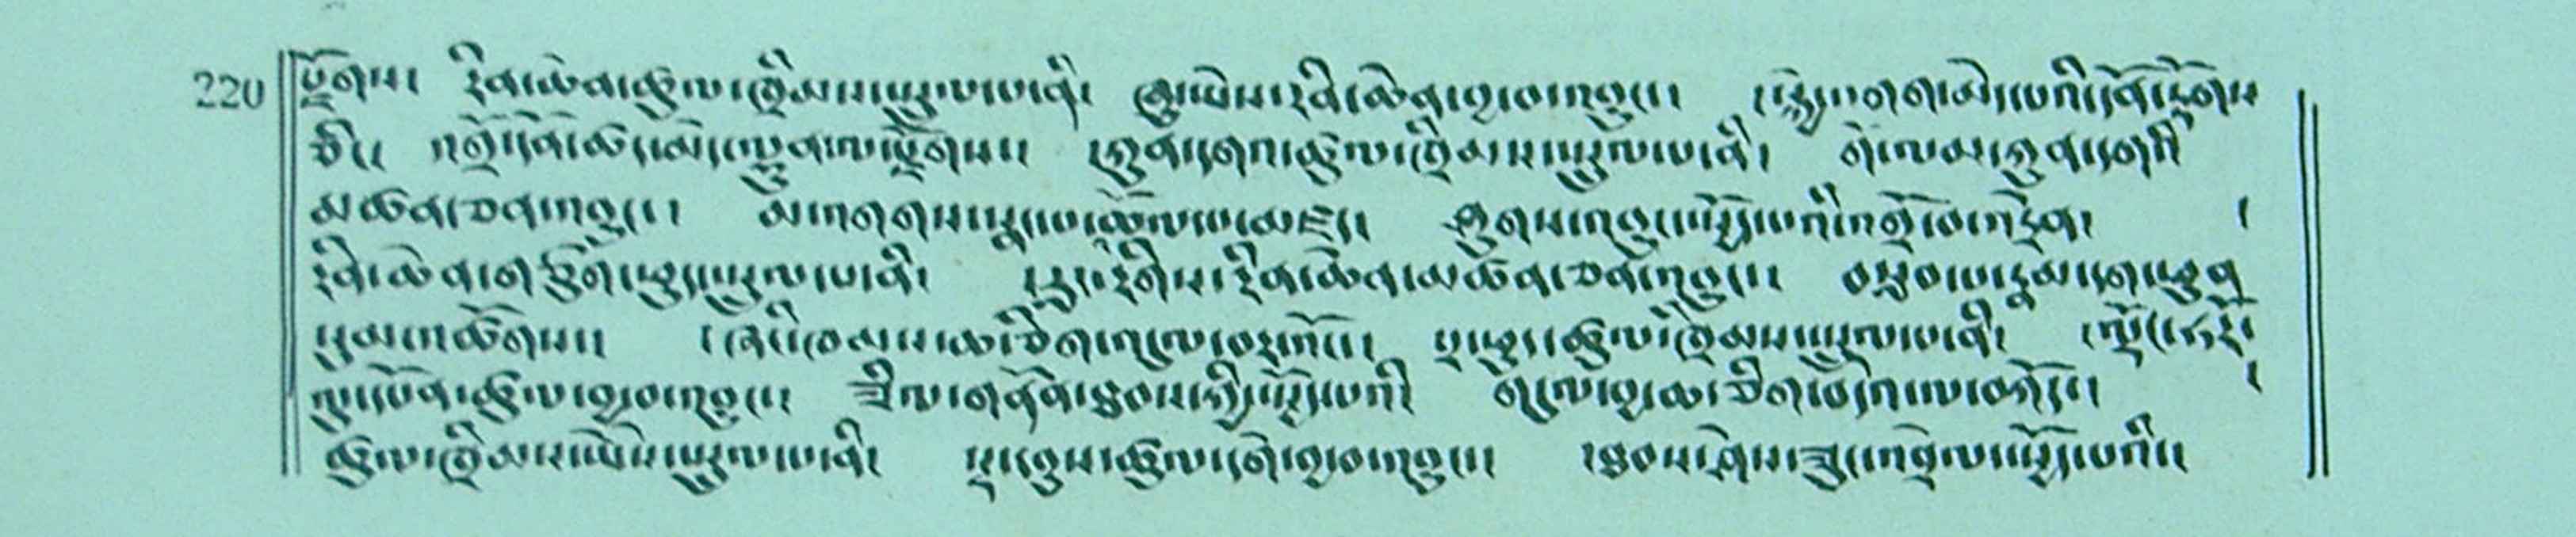རྫོགས། རིན་ཆེན་ཚུལ་ཁྲིམས་སྤྲུལ་པ་ནི། ཞུ་ཡེས་རིན་ཆེན་བྱ་བ་འབྱུང་། སྐྱེ་འགག་མེད་པའི་དོན་རྟོགས་
ཅིང་། འགྲོ་དོན་ཚད་མེད་ལྷུན་ལ་རྫོགས། ཀུན་དགའ་ཚུལ་ཁྲིམས་སྤྲུལ་པ་ནི། གོ་ལམ་ཀུན་དགའི་
མཚན་ཅན་འབྱུང་། མ་འགག་སྣང་བ་འཆོལ་པར་མཛད། ཤུགས་འབྱུང་སྤྱོད་པའི་འགྲོ་བ་འདྲེན། 
རིན་ཆེན་གཙུག་ཕུད་སྤྲུལ་པ་ནི། རླང་རིགས་རིན་ཆེན་མཚན་ཅན་འབྱུང་། བསླབ་པ་རྣམ་དག་ཕུན་
སུམ་ཚོགས། ཞིང་ཁམས་ཆ་གཅིག་འདུལ་བར་འོང་། པྲ་ཕུད་ཚུལ་ཁྲིམས་སྤྲུལ་པ་ནི། ལྡོང་ཧོར་
ལུ་དཔོན་ཚུལ་བྱ་བ་འབྱུང་། ཟིལ་གནོན་ཐབས་ཀྱི་སྤྱོད་པའི། གདུལ་བྱ་ཆ་གཅིག་བདེ་ལ་བཀོད། 
ཚུལ་ཁྲིམས་ཡེ་ཤེས་སྤྲུལ་པ་ནི། སྡ་དབུས་ཚུལ་དགེ་བྱ་བ་འབྱུང་། ཐབས་ཤེས་ཟུང་འབྲེལ་སྤྱོད་པའི།